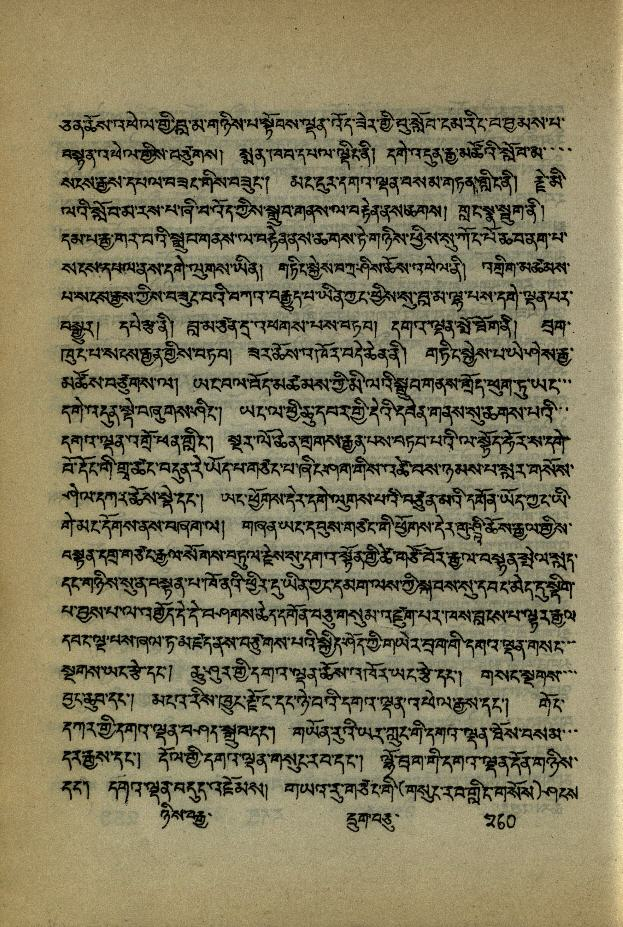ཅན་ཆོས་འཕེལ་གྱི་བླ་མ་གཉིས་པ་སྟོབས་ལྡན་འོད་ཟེར་གྱི་བུ་སློབ་ངམ་རིང་བ་བྱམས་པ་
བསྟན་འཕེལ་གྱིས་བཙུགས། སྨན་ཁབ་དཔལ་ལྡིང་ནི། དགེ་འདུན་རྒྱ་མཚོའི་སློབ་མ་
སངས་རྒྱས་དཔལ་བཟང་གིས་བཟུང་། མང་དུར་དགའ་ལྡན་བསམ་གཏན་གླིང་ནི། རྗེ་མི་
ལའི་སློབ་མ་རས་པ་ཞི་བ་འོད་ཀྱིས་སྒྲུབ་གནས་ལ་བརྟེན་ནས་ཆགས། གླང་སྣ་སྦུག་ནི།
དམ་པ་རྒྱ་གར་བའི་སྒྲུབ་གནས་ལ་བརྟེན་ནས་ཆགས་ཏེ་གཉིས་ཕྱིས་སུ་ཀོང་པོ་ཆབ་ནག་པ་
སངས་དཔལ་ནས་དགེ་ལུགས་ཡིན། གཏིང་སྐྱེས་བཀྲ་ཤིས་ཆོས་འཕེལ་ནི། འགྲིག་མཚམས་
པ་སངས་རྒྱས་ཀྱིས་བཟུང་བའི་བཀའ་བརྒྱུད་པ་ཡིན་ཀྱང་ཕྱིས་སུ་བླ་མ་ལྷ་པས་དགེ་ལྡན་པར་
བསྒྱུར། དཔེ་རྩ་ནི། བླ་མ་ཙན་དྲ་འཕགས་པས་བཏབ། དགའ་ལྡན་སྤོ་ཐོག་ནི། བྲག་
ཁུང་པ་སངས་རྒྱས་གྱིས་བཏབ། ཟར་ཆོས་འཁོར་བདེ་ཆེན་ནི། གཏིང་སྐྱེས་པ་ཡེ་ཤེས་རྒྱ་
མཚོས་བཙུགས་ལ། ཡང་བལ་བོད་མཚམས་ཀྱི་མི་ལའི་སྒྲུབ་གནས་གྲོད་ཕུག་ཏུ་ཡང་
དགེ་འདུན་སྡེ་བཞུགས་ཤིང་། ཡང་ལ་ཕྱི་ཆུ་དབར་གྱི་དེའི་དབེན་གནས་སུ་ཆགས་པའི་
དགའ་ལྡན་འགྲོ་ཕན་གླིང་། སྔར་ལོ་ཆེན་གྲགས་རྒྱན་པས་བཏབ་པའི་ལ་སྟོད་ཧོར་ས་དགེ་
བོ་དོང་གི་གྲྭ་ཚང་བདུན་རེ་ཡོད་པ་གཙང་པ་ཞིང་ཤག་གིས་འཚེ་བས་ཉམས་པ་སླར་གསོས་
ཤེལ་དཀར་ཆོས་སྡེ་དང་། ཡང་ཕྱོགས་དེར་དགེ་ལུགས་པའི་བཙུན་མའི་དགོན་ཡོད་ཀྱང་ཡི་
གེ་མང་དོགས་ནས་བཞག་ལ། གཞན་ཡང་དབུས་གཙང་གི་ཕྱོགས་དེར་གུ་ཤྲཱི་ཆོས་རྒྱལ་གྱིས་
བསྟན་དགྲ་གཙང་རྒྱལ་སོགས་བཏུལ་རྗེས་སུ་དགའ་སྟོན་གྱི་ཚེ་གཙོ་བོར་རྒྱལ་བསྟན་སྤེལ་སླད་
དང་གཉིས་སུ་ན་བསྟན་པ་ཁོ་ནའི་ཕྱིར་དུ་ཡིན་ཀྱང་དམག་ལས་ཀྱི་སྐབས་སུ་དབང་མེད་དུ་སྡིག་
པ་བྱས་པ་ལ་འགྱོད་དེ་དེ་བཤགས་ཆེད་དགོན་བཅུ་གསུམ་འཛུག་པར་ཁས་བླངས་པ་ལྟར་རྒྱལ་
དབང་ལྔ་པས་ཞལ་ཏ་མཛད་ནས་བཙུགས་པའི་སྐྱིད་ཤོད་ཀྱི་གཡེར་བྲག་གི་དགའ་ལྡན་གསང་
སྔགས་ཡང་རྩེ་དང་། ཆུ་ཤུར་གྱི་དགའ་ལྡན་ཆོས་འཁོར་ཡང་རྩེ་དང་། གསང་སྔགས་
བྱང་ཆུབ་དང་། མངའ་རིས་ཁྱུང་རྫོང་དང་ཉེ་བའི་དགའ་ལྡན་འཕེལ་རྒྱས་དང་། གོང་
དཀར་གྱི་དགའ་ལྡན་བཤད་སྒྲུབ་དང་། གཡོན་རུའི་ཡར་ཀླུང་གི་དགའ་ལྡན་ཐོས་བསམ་
དར་རྒྱས་དང་། དོལ་གྱི་དགའ་ལྡན་གསུང་རབ་དང་། ལྷོ་བྲག་གི་དགའ་ལྡན་དོན་གཉིས་
དང་། དགའ་ལྡན་བདུད་འཇོམས། གཡའ་རུ་གཙང་གི་གསུང་རབ་གླིང་གསོས་ཤངས་